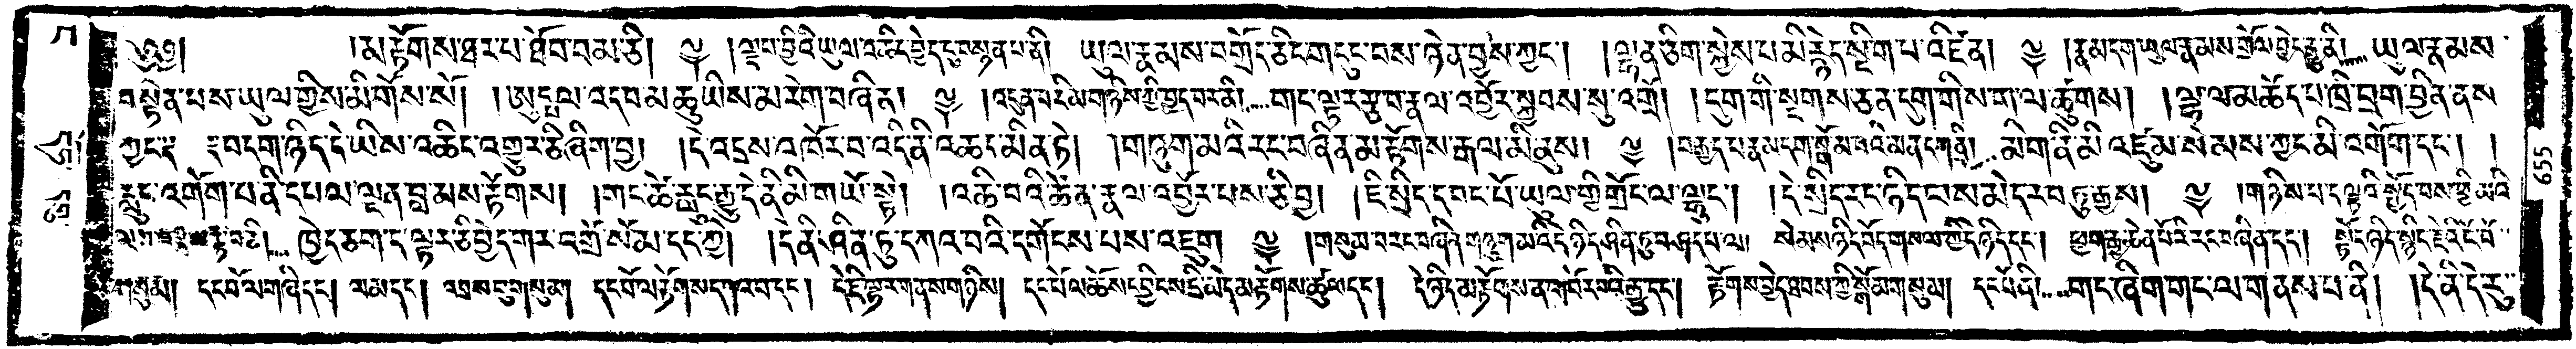༄༅། །མ་རྟོགས་ཐར་པ་ཐོབ་བམ་ཅི། ༈ །ལྔ་པ་བྱིའི་ཡུལ་འཆིད་བྱེད་དུ་བསྟན་པ་ནི། ཡུལ་རྣམས་བགྲོད་ཅིང་གདུང་བས་ཉེན་བྱས་ཀྱང་། །ལྷན་ཅིག་སྐྱེས་པ་མི་རྙེད་སྡིག་པ་འཛིན། ༈ །རྣམ་དག་ཡུལ་རྣམས་གྲོལ་བྱེད་རྒྱུ་ནི། ཡུལ་རྣམས་
བསྟེན་པས་ཡུལ་གྱིས་མི་གོས་སོ། །ཨུདཔལ་འདབ་མཆུ་ཡིས་མ་རིག་བཞིན། ༈ །འདུན་བ་རིམ་གཉིས་ཀྱི་བྱེད་བར་ནི། གང་ལྟར་རྩ་བ་རྣལ་འབྱོར་སྐྱབས་སུ་འགྲོ། །དུག་གི་སྔགས་ཅན་དུག་གིས་ག་ལ་ཚུགས། །ལྷ་ལ་མཆོད་པ་ཁྲི་བྲག་བྱིན་ནས་
ཀྱང༑ ༑བདག་ཉིད་དེ་ཡིས་འཆིང་འགྱུར་ནི་ཞིག་བྱ། །དེ་འདྲས་འཁོར་བ་འདི་ནི་འཆད་མིན་ཏེ། །གཉུག་མའི་རང་བཞིན་མ་རྟོགས་རྒལ་མི་ནུས། ༈ །བརྒྱད་པ་རྣམ་དག་སྒོམ་བའི་མན་ངག་ནི། མིག་ནི་མི་འཛུམ་སེམས་ཀྱང་མི་འགོག་དང་། །
རླུང་འགོག་པ་ནི་དཔལ་ལྡན་བླ་མས་རྟོགས། །གང་ཚེ་རླུང་རྒྱུ་དེ་ནི་མི་གཡོ་སྟེ། །འཆི་ངའི་ཚེན་རྣལ་འབྱོར་པས་ཅི་བྱ། །ཇི་སྲིད་དབང་པོ་ཡུལ་གྱི་གྲོང་ལ་ལྷུང་། །དེ་སྲིད་རང་ཉིད་ལས་མེད་རབ་ཏུ་རྒྱས། ༈ །གཉིས་པ་ད་ལྟའི་སྤྱོད་བས་ཕྱི་མའི་
ལམ་འབྲས་ལྟ་བ་ནི། ཁྱེད་ཅག་ད་ལྟར་ཅི་བྱེད་གར་འགྲོ་སོ་མ་དད་ཀྱེ། །དེ་ནི་ཤིན་ཏུ་དཀའ་བའི་དགོངས་པས་འཇུག ༈ །གསུམ་པ་རང་བཞིན་གཉུག་མའི་དེ་ཉིད་ཤིན་ཏུ་བཤད་པ་ལ། སེམས་ཉིད་བོད་གསལ་ཀྱི་དེ་ཉིད་དང་། ཕྱག་རྒྱ་ཆེན་པོའི་རང་བཞིན་དང་། སྟོང་ཉིད་སྙིང་རྗེའི་ངོ་བོ་
གསུམ། དང་པོ་ལ་གཞི་དང་། ལམ་དང་། འབྲས་བུ་གསུམ། དང་པོ་ལ་རྟོགས་དཀའ་བ་དང་། དེ་ཇི་ལྟར་གནས་གཉིས། དང་པོ་ལ་ཆོས་དབྱིངས་དྲི་མེད་མ་རྟོགས་ཚུལ་དང་། དེ་ཉིད་མ་རྟོགས་ན་འཁོར་པའི་རྒྱུ་དང་། རྟོགས་བྱེད་ཐབས་ཀྱི་སྒོམ་གསུམ། དང་པོ་ནི། གང་ཞིག་གང་ལ་གནས་པ་ནི། །དེ་ནི་དེ་རུ་